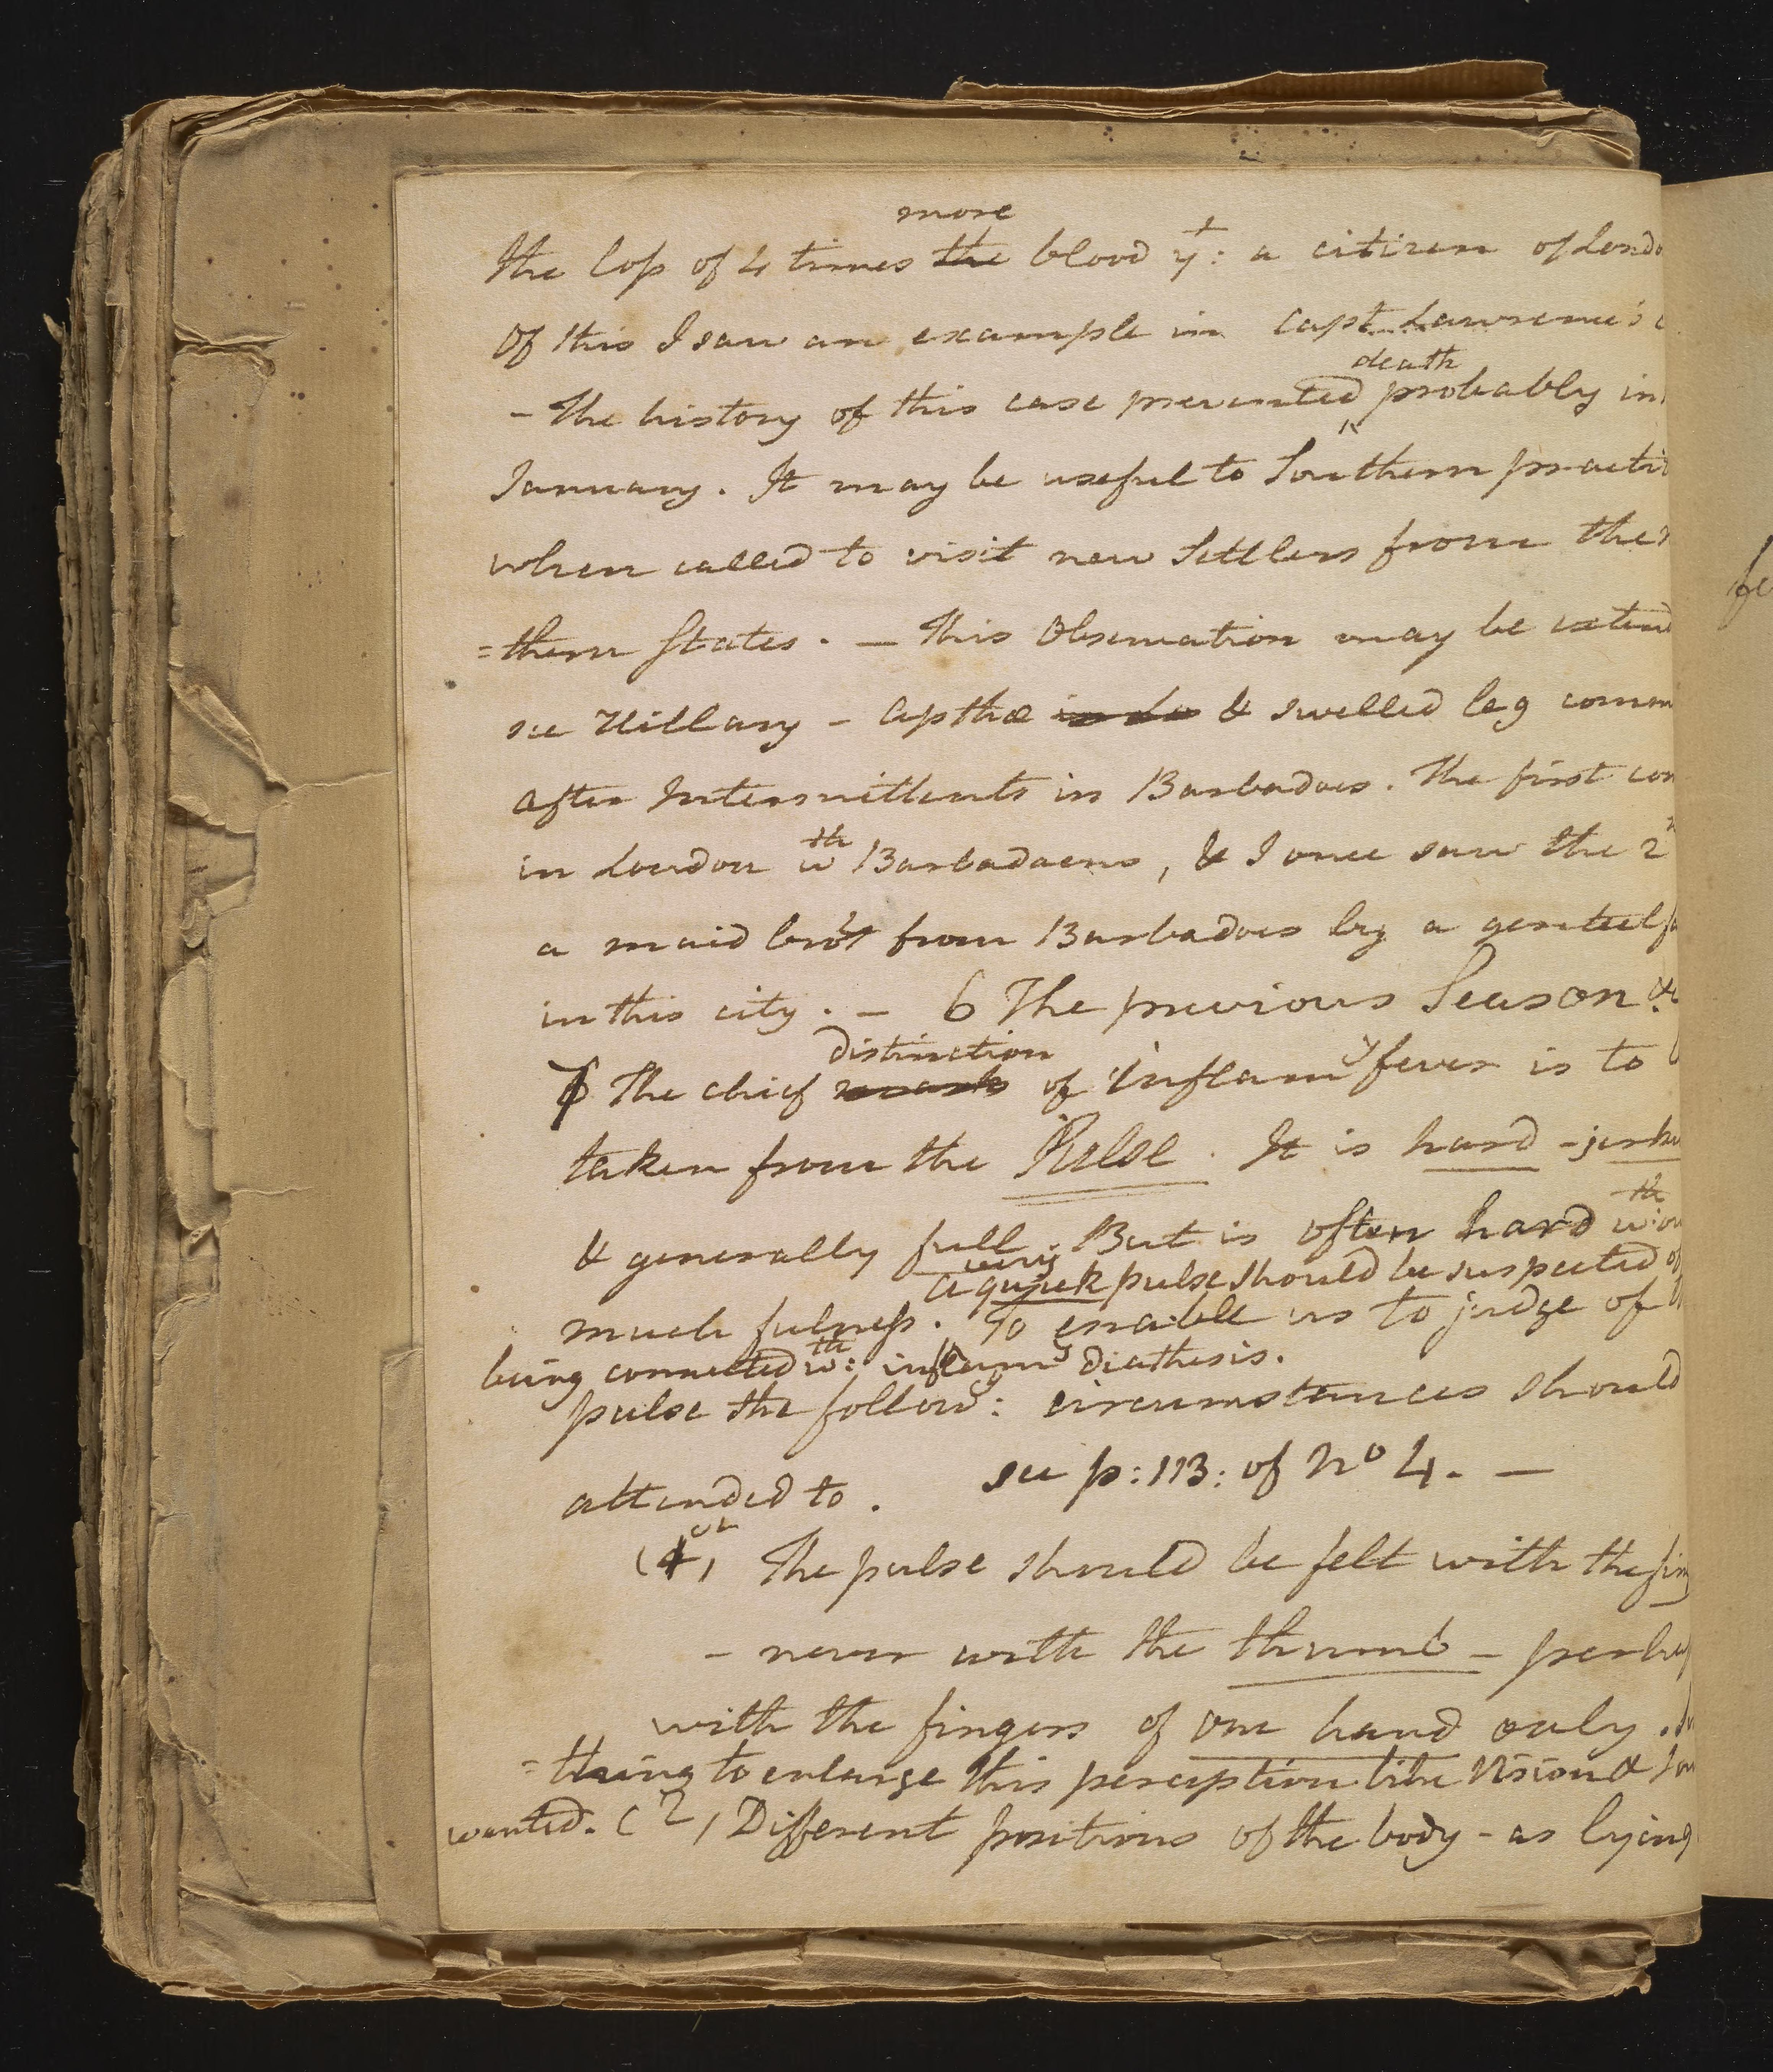more
the loss of 4 times [the] blood y^t: a citizen of London
of this I saw an example in Capt. Lawrence's
death
The history of this case presented ^ probably in
January. It may be useful to Southern practi
when called to visit new settlers from the
-thern States.- This Observation may be extend
see Hillary. Capthae [in Lo-] & swelled leg common
after Intermittents in Barbados. The first con
in London w^th Barbadaens, & I once saw the 2
a maid bro't from Barbadoes by a genteel
in this city.- 6 The previous Season &
distinction
7 The chief [remark] of inflam^y fever is to
taken from the Pulse. It is hard jerk
& generally full. But is often hard w^th
very
a quick pulse should be suspected of
much fulness. To enable us to judge of
being connected w^th inflam^y diathesis.
pulse the follow: circumstances should
attended to
see p. 133 of N^o 4
(4) The pulse should be felt with the finger
never with the thumb, perhaps
with the fingers of one hand only
-thing to enlarge this perception like vision & Im
wanted. (2) Different positions of the body, as lying